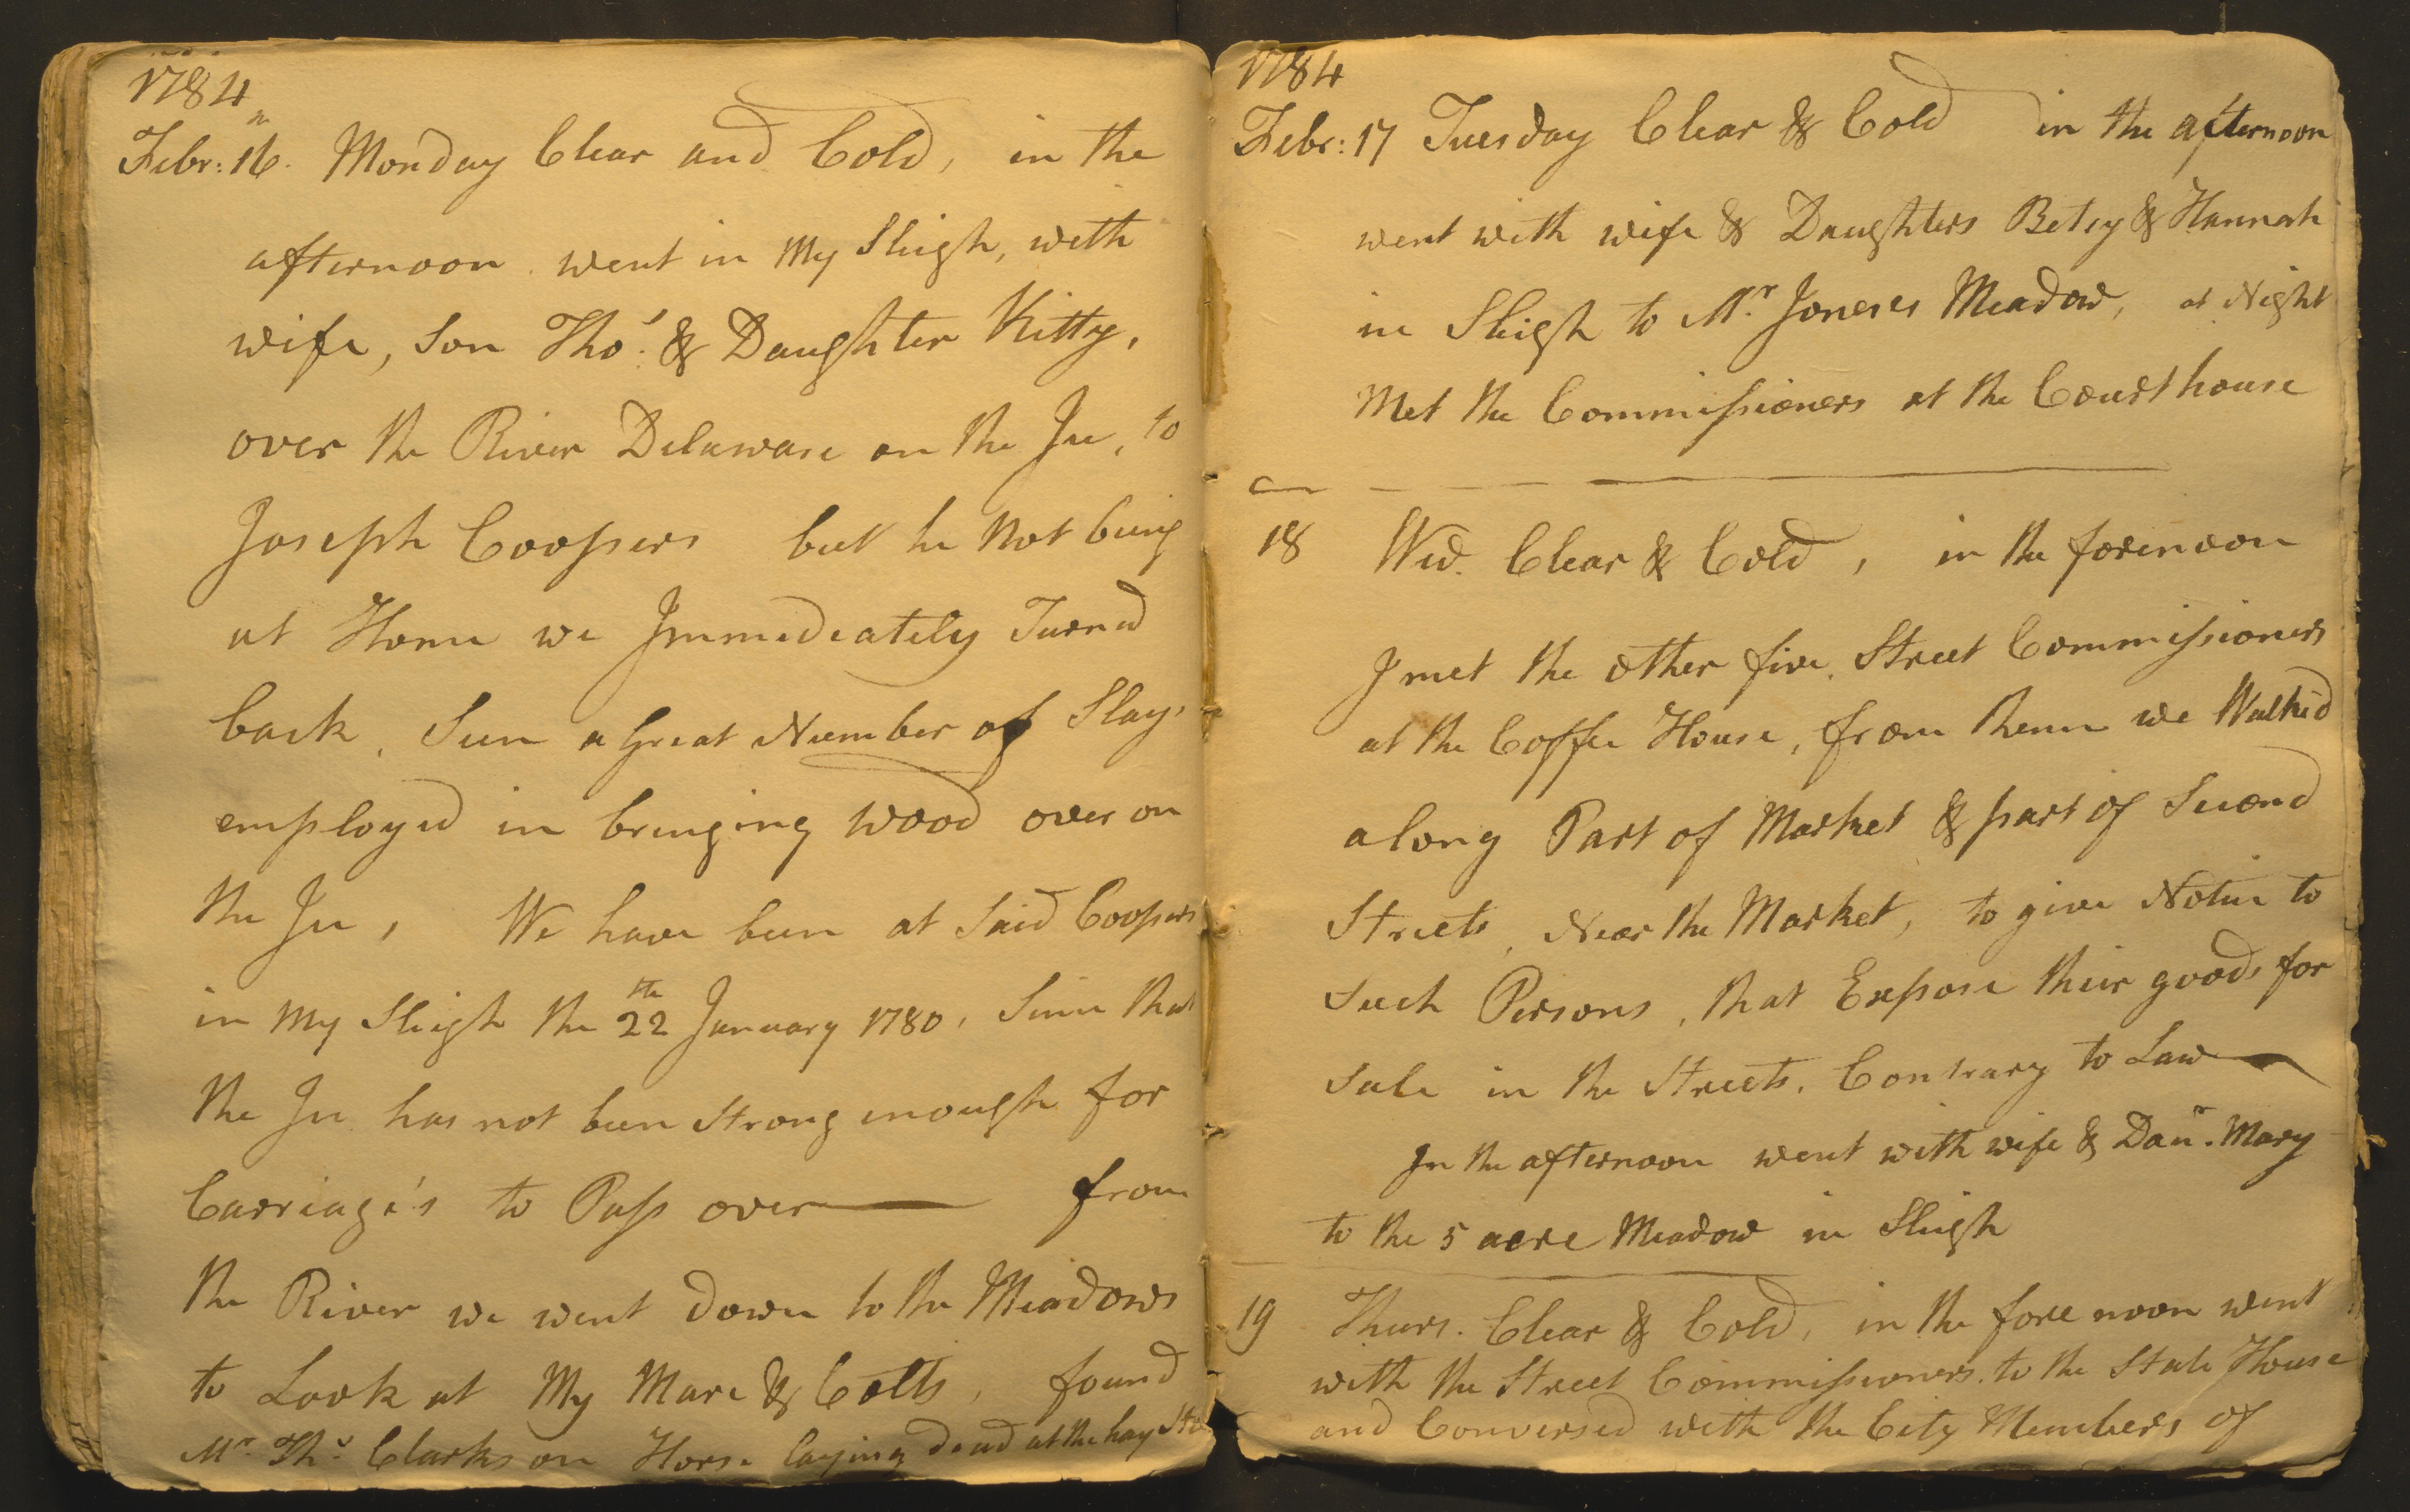1784
Febr. 16^th. Monday Clear and Cold, in the
afternoon, went in My Sleigh, with
wife, Son Tho^s. & Daughter Kitty,
over the River Delaware on the Ice, to
Joseph Coopers but he not being
at Home we Immediately Turned
back seen a Great Number of Slays
employed in bringing Wood over on
the Ice, We have been at Said Cooper
in My Sleigh the 22^th January 1780, since that
the Ice has not been Strong enough for
Carriages to Pass over from
the River we went down to the Meadows
to Look at My Mare & Colts, found
M^r. Th^s. Clarks on Horse. laying dead at the St
1784
Febr: 17 Tuesday Clear & Cold in the afternoon
went with wife & Daughters Betsy & Hannah
in Sleigh to M^r. Joneses Meadow, at Night
Met the Commissioners at the Courthouse
18 Wed. Clear & Cold, in the forenoon
I met the other fire Street Commissioners
at the Coffee House, from thence we Walked
along Part of Market & part of second
Streets Near the Market, to give Notice to
such Persons that Expose their goods for
Sale in the Streets. Contrary to Law
In the afternoon went with wife & Dau^r. Mary
to the 5 acre Meadow in Sleigh
19 Thurs. Clear & Cold, in the forenoon went
with the Street Commissioners. to the State House
and Conversed with the City Members of